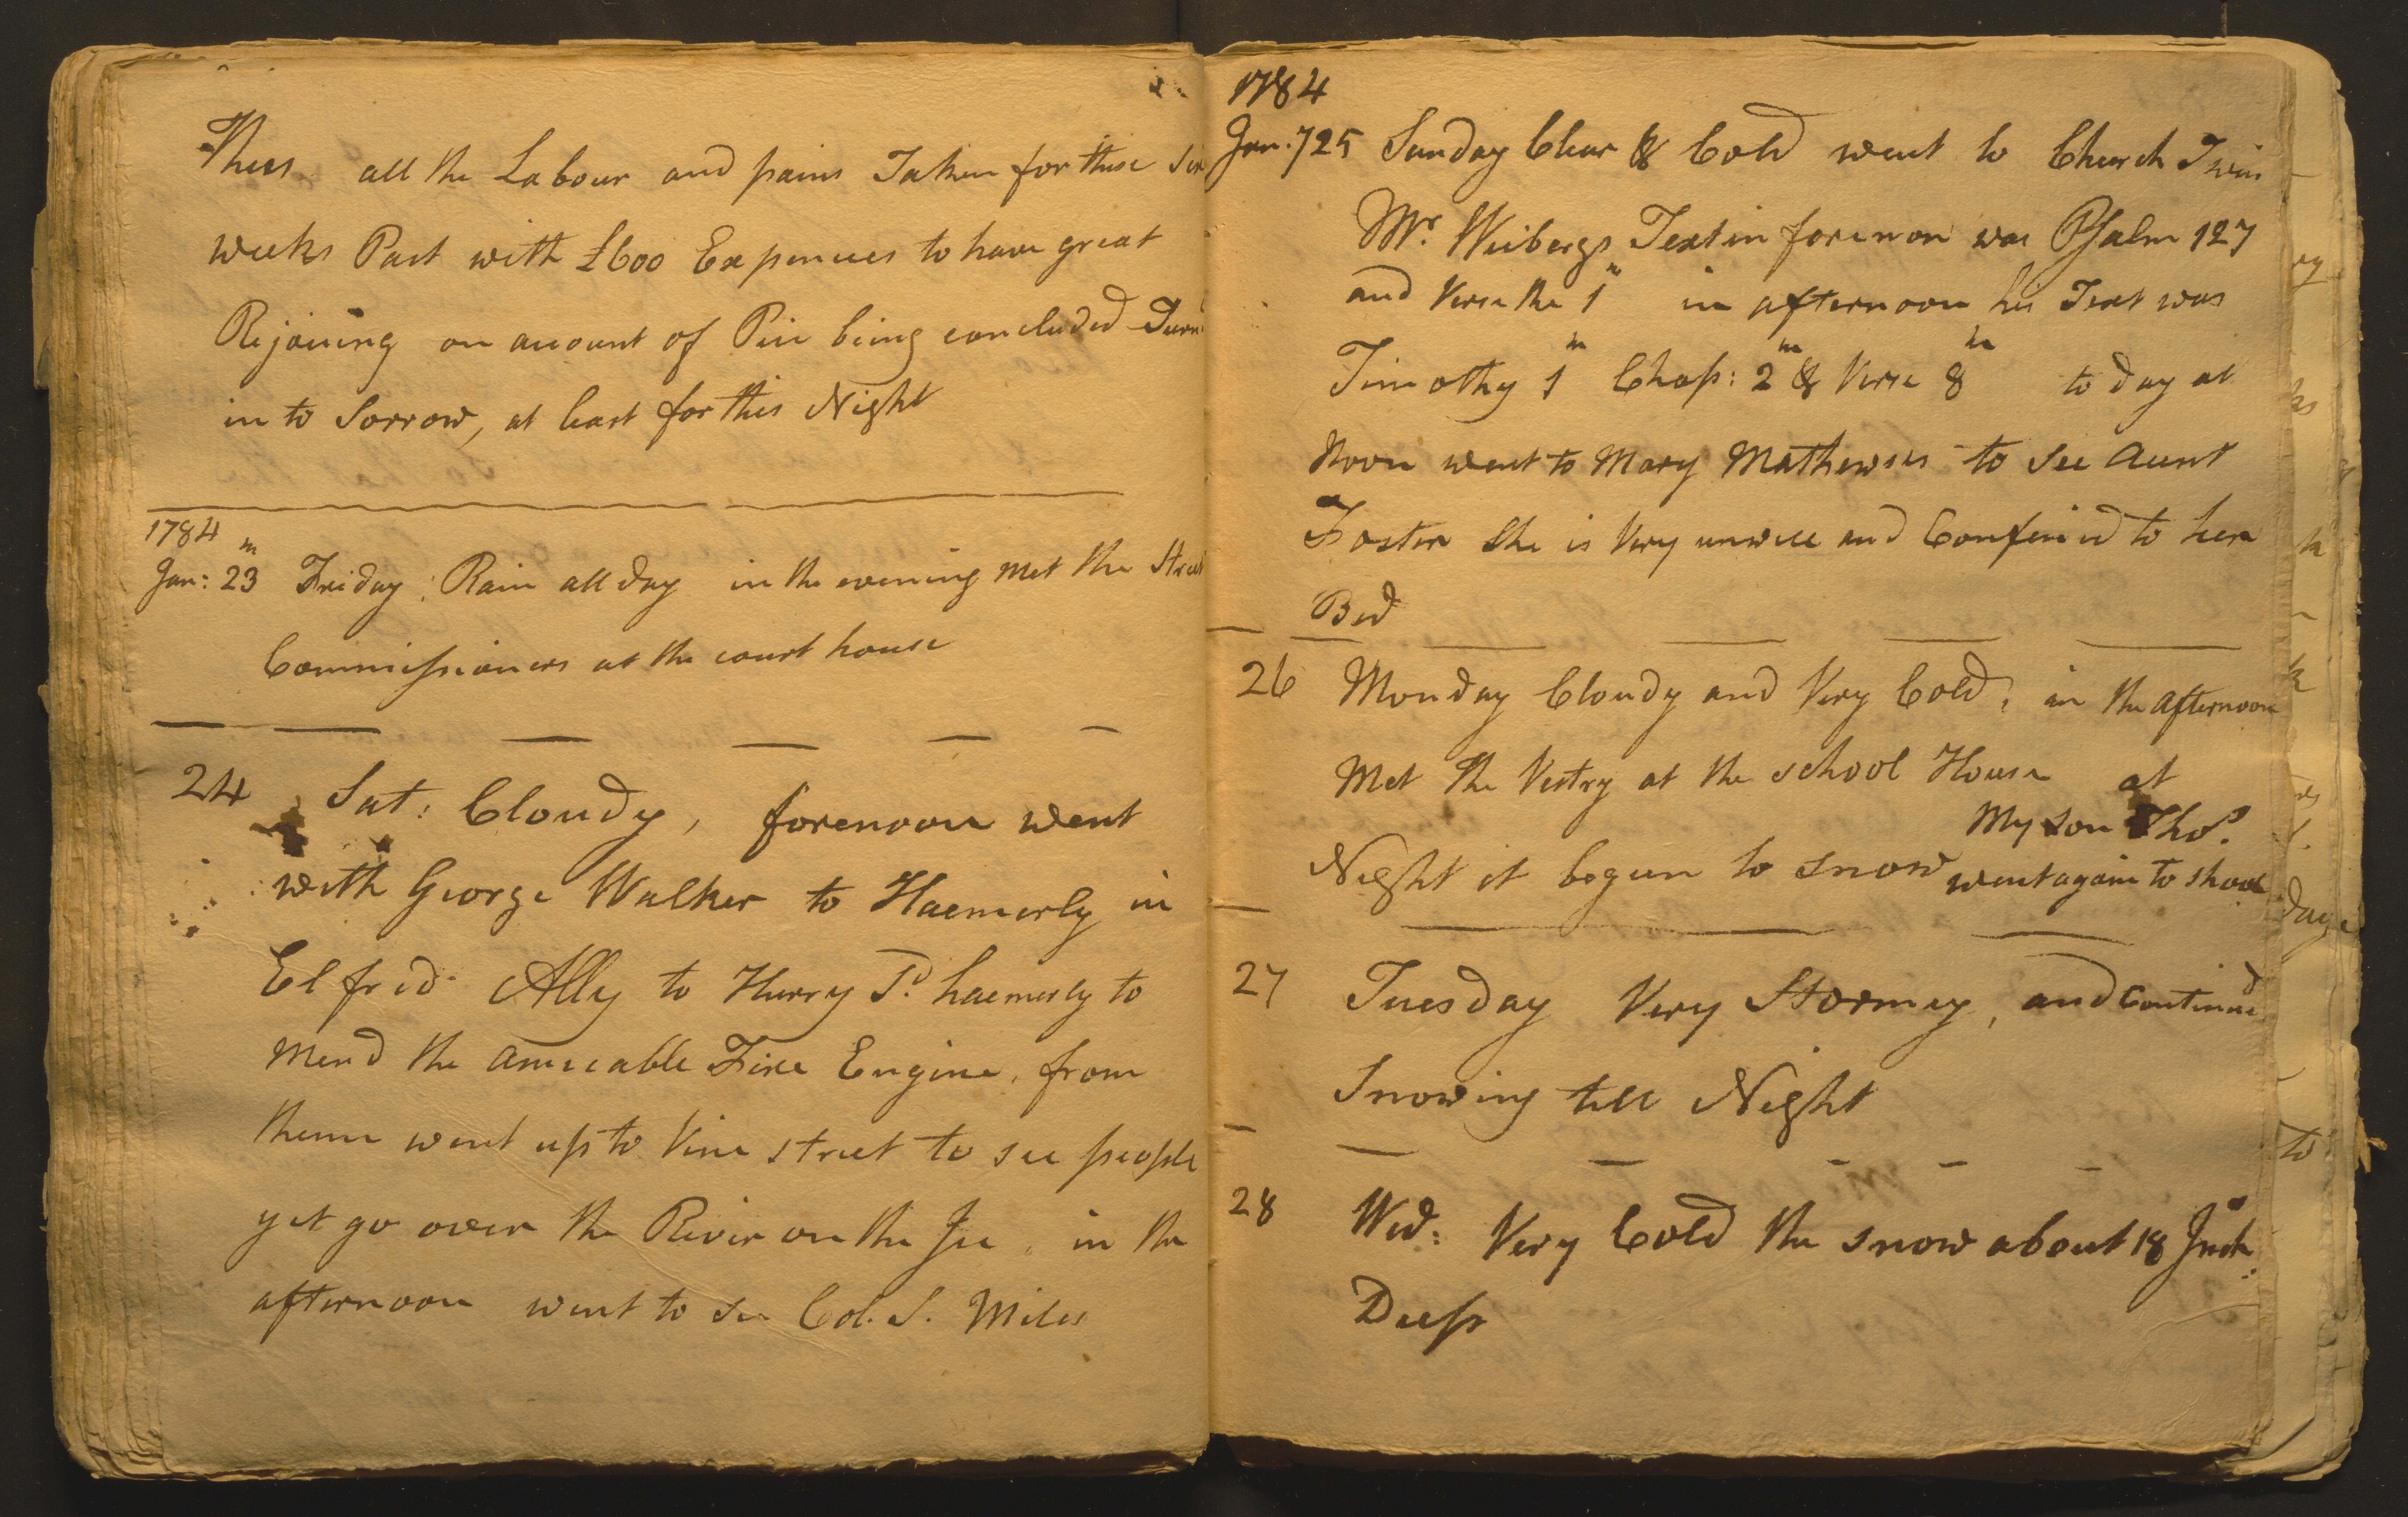Thus all the Labour and pains Taken for these six
weeks Past with £600 Expences to have great
Rejoining on account of Pice being concluded Turn
in to sorrow, at least for this Night
1784
Jan: 23^th Friday. Rain all day in the evening met the Street
Commessioners at the court house
24 Sat. Cloudy, forenoon went
with George Walker to Haemerly in
Elfrid Ally to Hurry s^d. haemerly to
Mend the Amicable Fire Engine, from
thence went up to Vine street to see people
yet go over the River on the Ice, in the
afternoon went to see Col. S. Miles
1784
Jan^y. 25 Sunday Clear & Cold went to Church Twice
M^r. Weibergs Text in forenon was Psalm 127
and Verse the 1^th in afternoon his Text was
Timothy 1^th Chap: 2^th Verse 8^th to day at
noon went to Mary Mathewses to see Aunt
Foster she is Very unwill and Confined to her
Bed
26 Monday Cloudy and Very Cold, in the Afternoon
Met The Vestry at the school House
My son Tho^s.
Night it begun to snow went again to shool
27 Tuesday Very Stormey, and Continu^d
snowing till Night
28 Wed. Very Cold the snow about 18 Inch
Deep